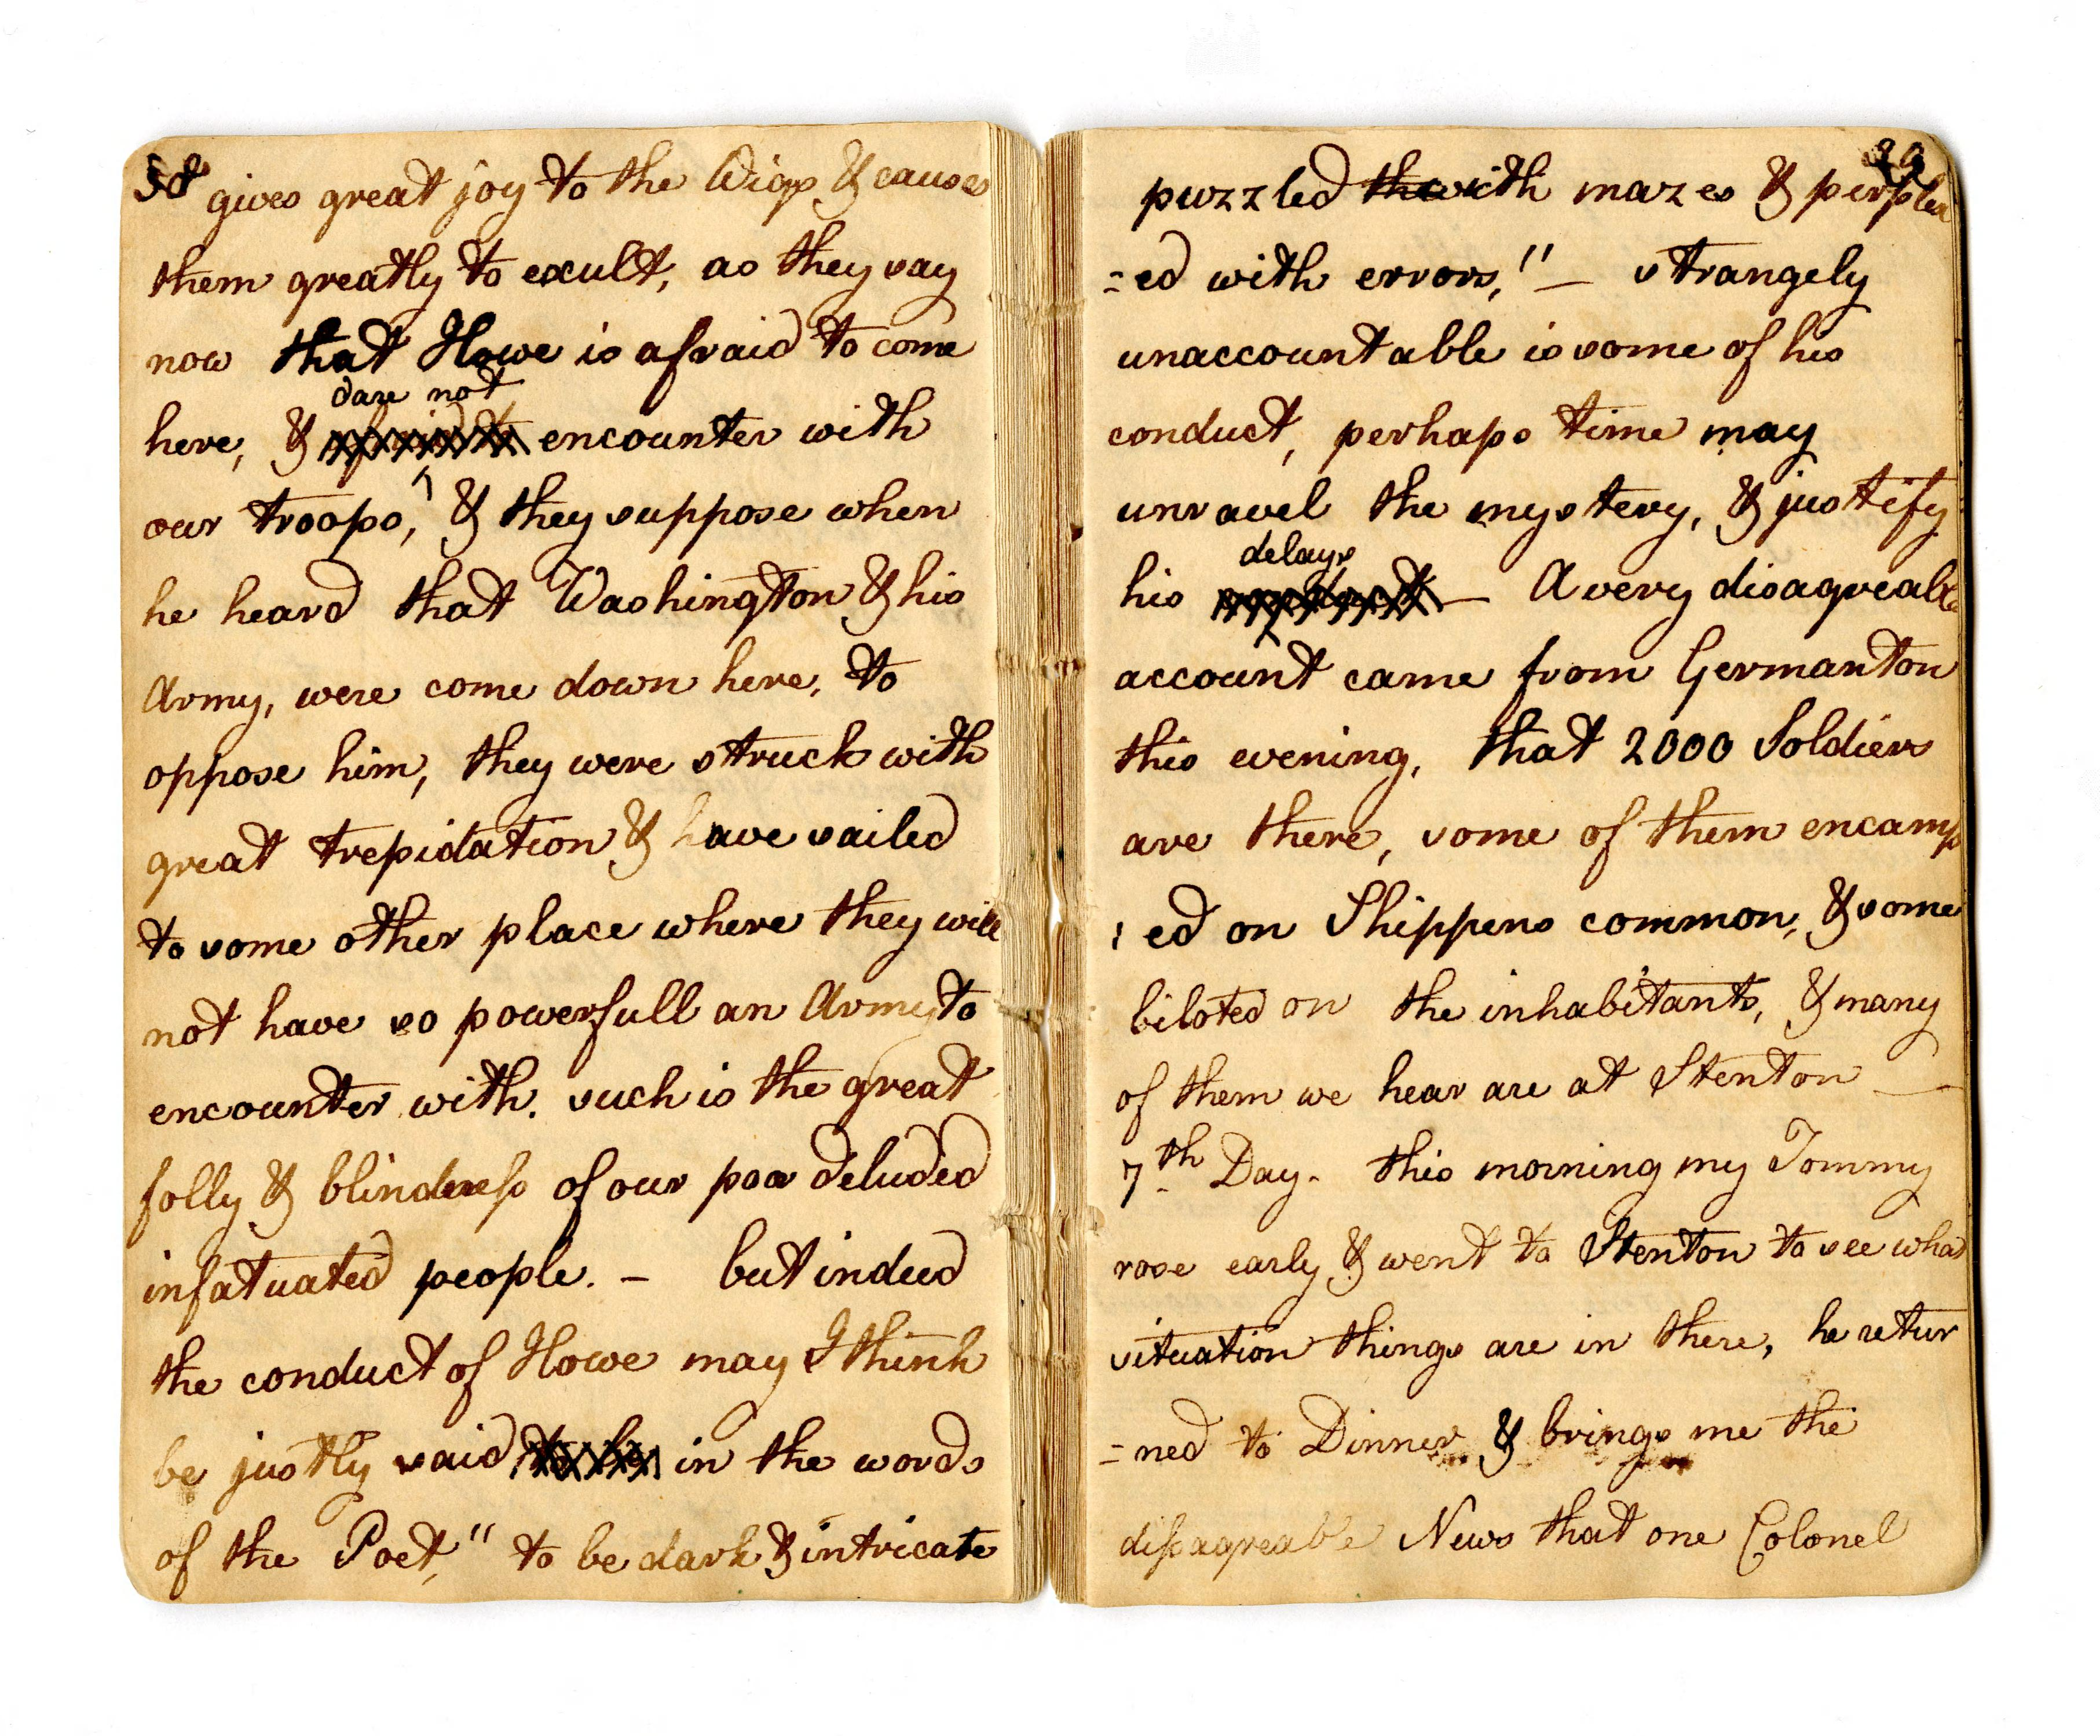^38 gives great joy to the Wigs & causes
them greatly to exult, as they say
now that Howe is afraid to come
dare not
here, & ^ [afraid to] encounter with
our troops, & they suppose when
he heard that Washington & his
Army, were come down here, to
oppose him, they were struck with
great trepidation & have sailed
to some other place where they will
not have so powerfull an Army to
encounter with. such is the great
folly & blindness of our poor deluded
infatuated people.- but indeed
the conduct of Howe may I think
be justly said [____] in the words
of the Poet, "to be dark & intricate
puzzled [th] with mazes & perplex
-ed with errors,"- strangely
unaccountable is some of his
conduct, perhaps time may
unravel the mystery, & justify
delays
his ^ [______]- A very disagreable
account came from Germanton
this evening, that 2000 Soldiers
are there, some of them encamp
-ed on Shippens common, & some
biloted on the inhabitants, & many
of them we hear are at Stenton-
7^th Day. this morning my Tommy
rose early & went to Stenton to see what
situation things are in there, be retur
-ned to Dinner & brings me the
dissagreable News that one Colonel